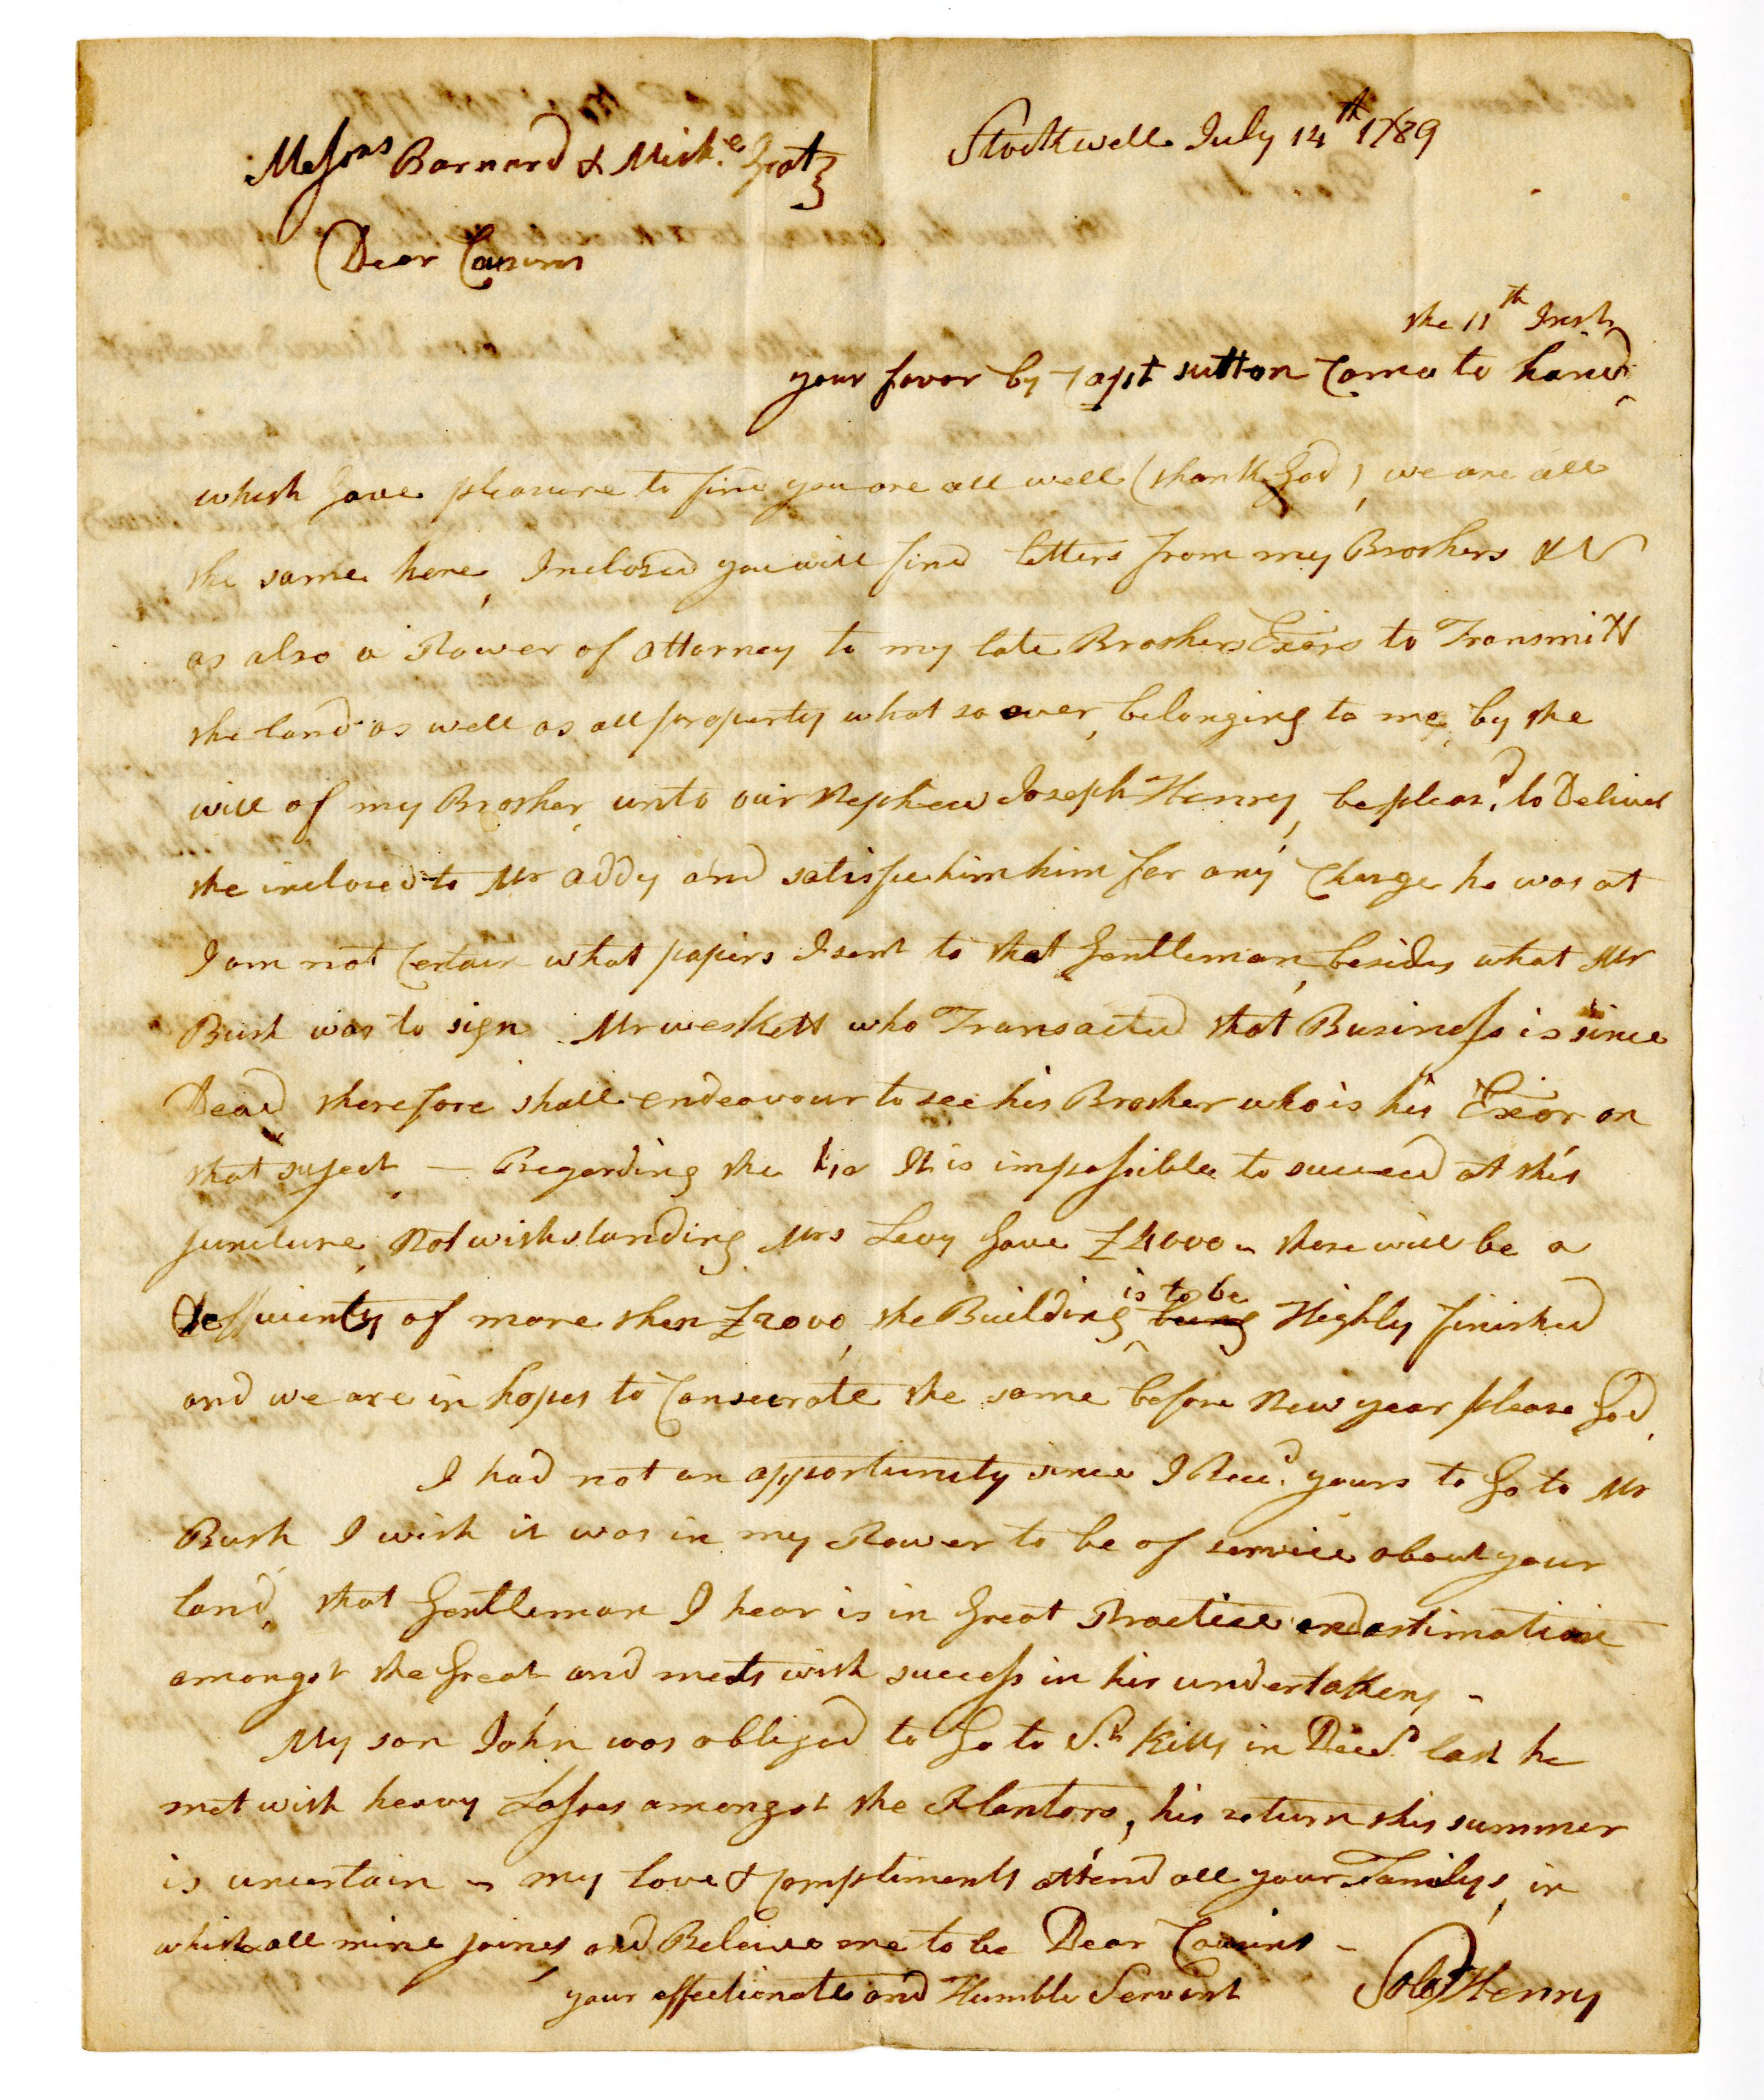Stockwell July 14^th 1789
Mess^rs Barnard & Mich^l Gratz
Dear Cousins
the 11^th Inst.
your favor by Capt Sutton Came to hand
which gave pleasure to find you are all well (thank God) we are all
the same here Inclosed you will find letters from my Brothers &c
as also a Power of Attorney to my late Brothers Exers to Transmitt
the land as well as all property what soever, belonging to me, by the
will of my Brother unto our nephew Joseph Henry, be pleas^d to Deliver
the inclosed to M^r Addy and satisfie him him for any Charge he was at
I am not Certain what papers I sent to that Gentleman besides what M^r
Bush was to sign Mr Weskett who Transacted that Business is since
Dead, therefore shall endeavor to see his Brother who is his Exer on
that suject.- Regarding ther [___] It is impossible to succeed at this
Juncture Not withstanding Mrs Levy gave £4000- there will be a
Deficienty of more then £2000 the Building ^ [being] nighly finished
is to be
and we are in hopes to Consecrate the some before New Year please God
I had not an opportunity since I Rece^d. yours to go to Mr
Bush I wish it was in my Power to be of service about your
land, that Gentleman I hear is in Great practice and estimates
amongst the Great and meets with success in his undertaking.
My son John was obliged to Go to S^h. Killy in Dece^r. last he
met with heavy Losses amongst the Planters, his return this summer
is uncertain- my love & Compliments attend all your Familys, in
which all mine joins and Believe me are to be Dear cousin.-
your affectionate and Humble Servant
Solo Henry